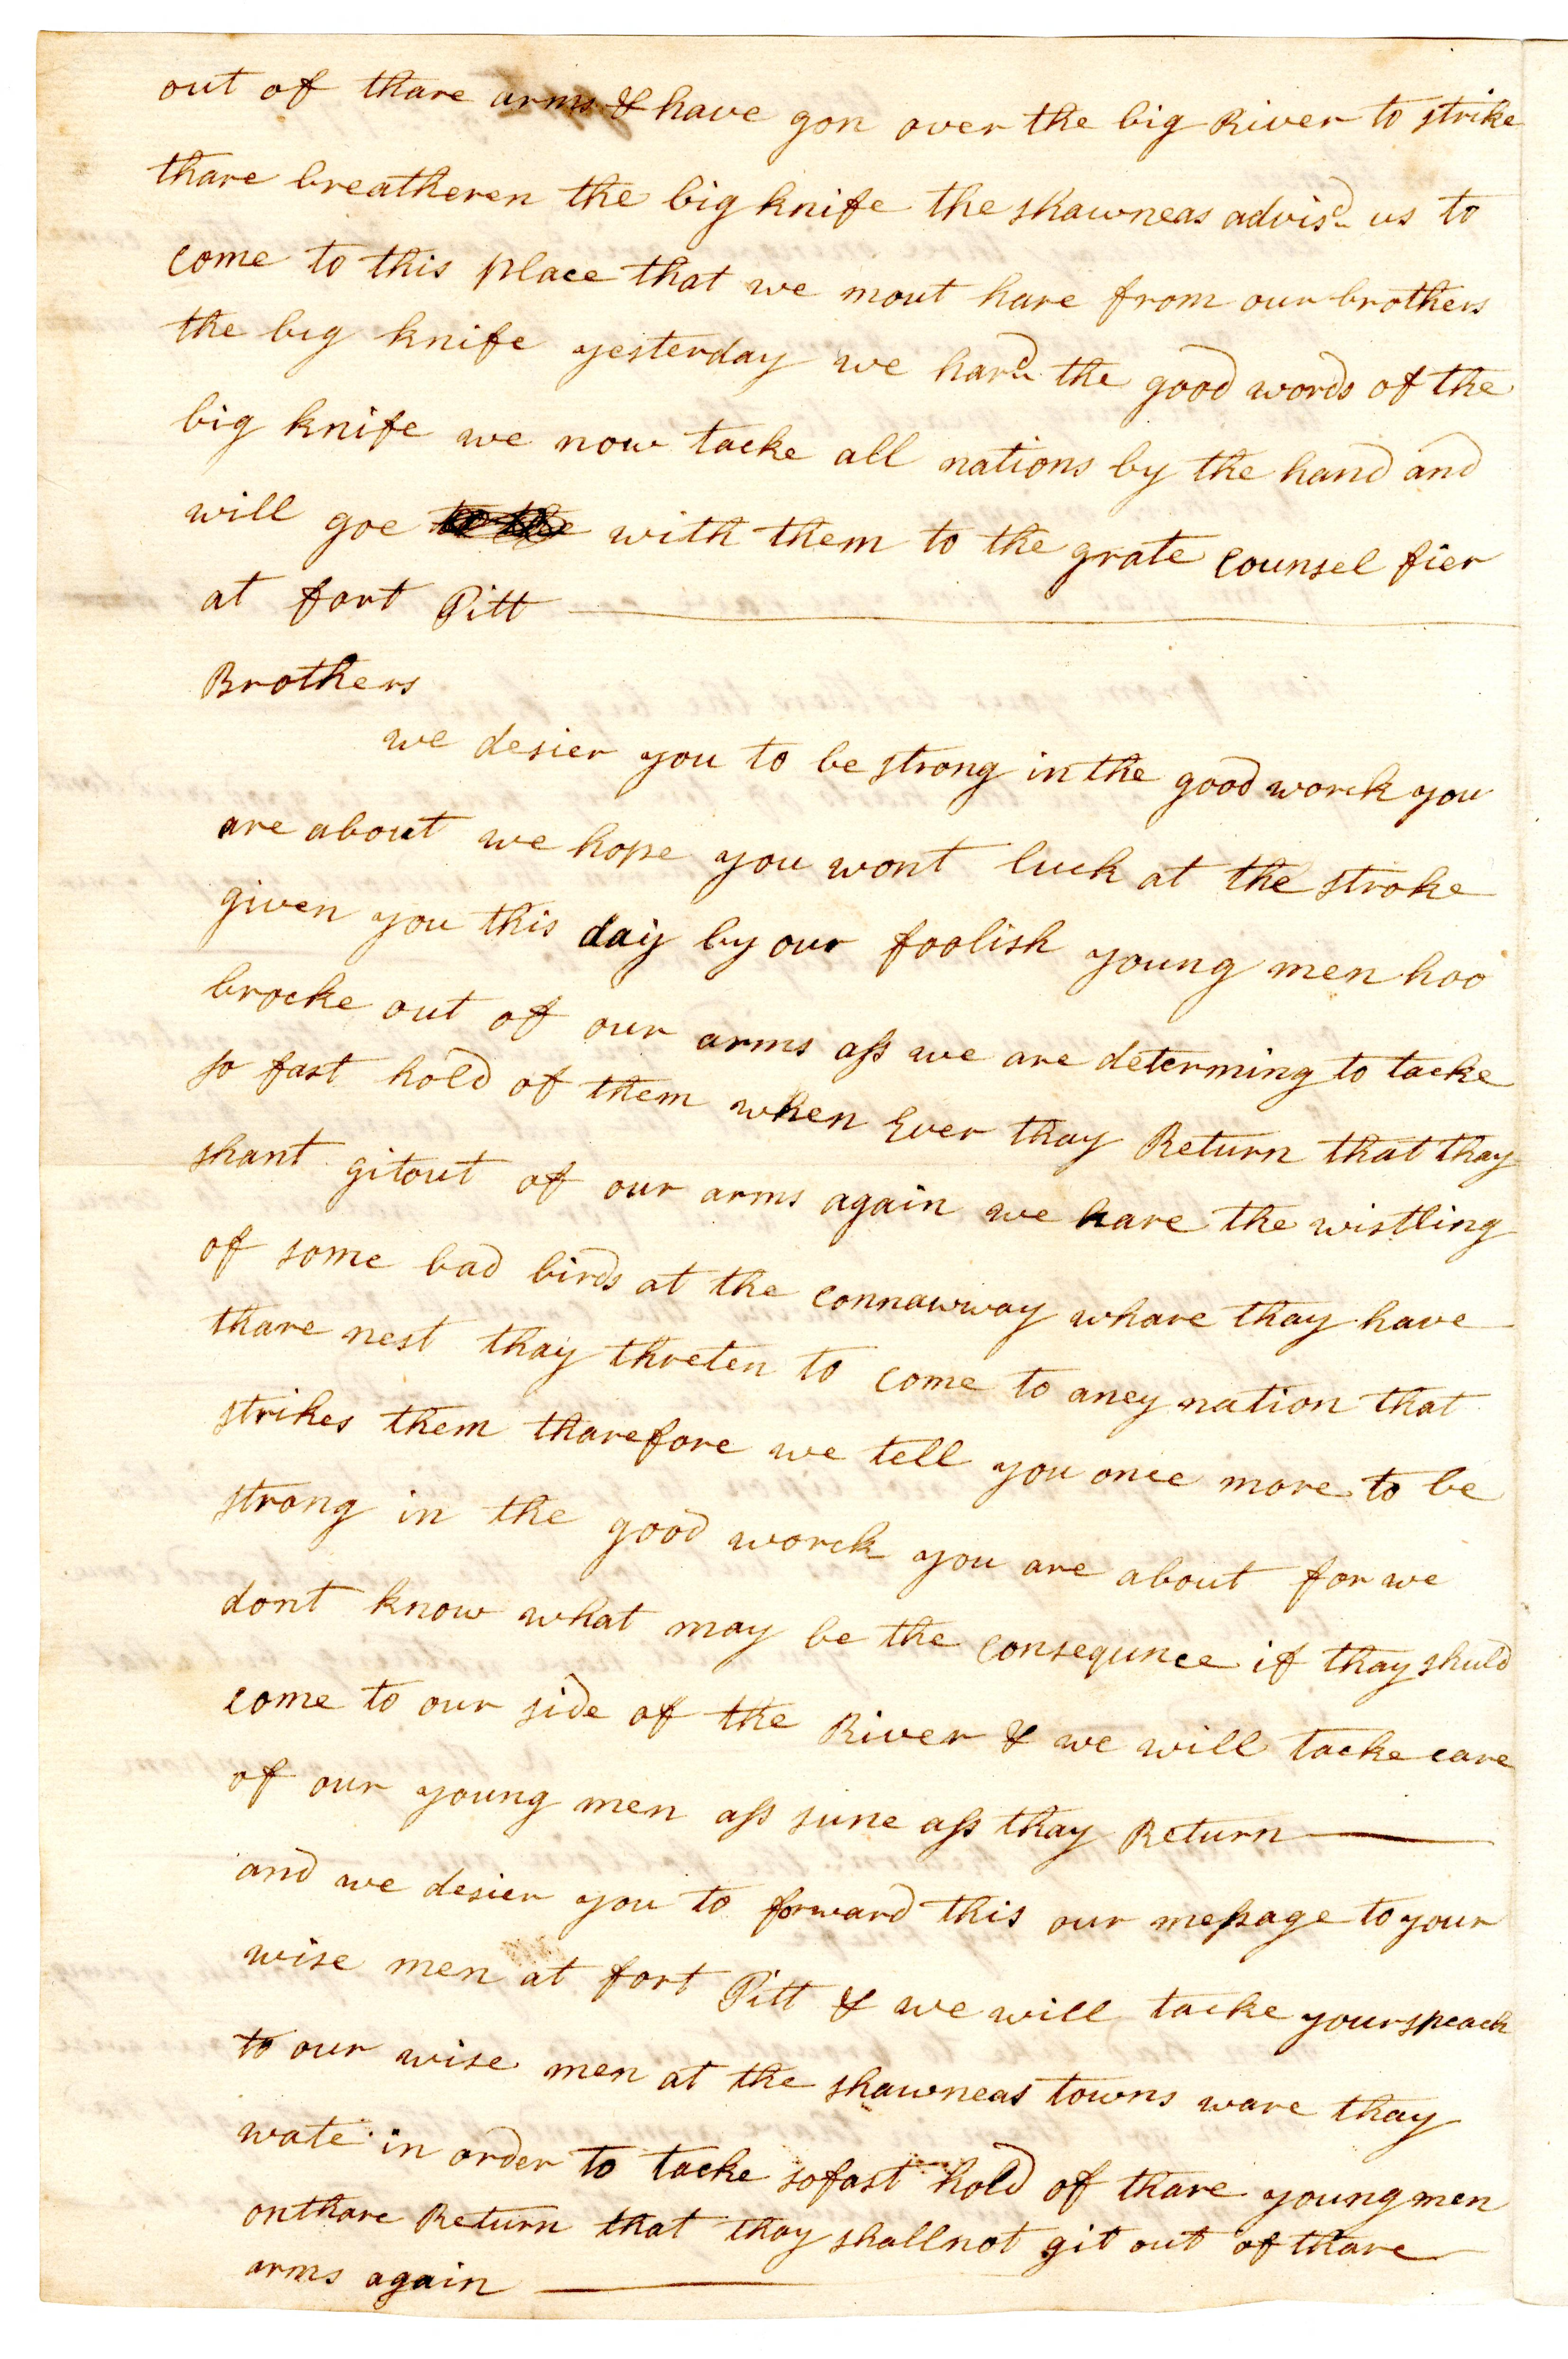out of thare arms & have gon over the big River to strike
thare breatheren the big knife the shawneas advis^d us to
come to this place that we mout hare from our brothers
the big knife yesterday we har^d the good word of the
big knife we now tacke all nations by the hand and
will goe [to the] with them to the grate counsel fier
at fort Pitt
Brothers
we desier you to be strong in the good worck you
are about we hope you wont luck at the stroke
given you this day by our foolish young men hoo
brocke out of our arms ass we are determing to tacke
so fast hold of them when Ever thay Return that thay
shant gitout of our arms again we hare the wistling
of some bad birds at the connawway whare thay have
thare nest thay threten to come to aney nation that
strikes them tharefore we tell you once more to be
strong in the good worck you are about for we
dont know what may be the consequnce if thay shuld
come to our side of the River & we will tacke care
of our young men ass sune ass thay Return-
and we desier you to forward this our message to your
wise men at fort Pitt & we will tacke your speach
to our wise men at the shawneas towns ware thay
wate in order to tacke so fast hold of thare young men
on thare Return that thay shall not git out of thare
arms again-